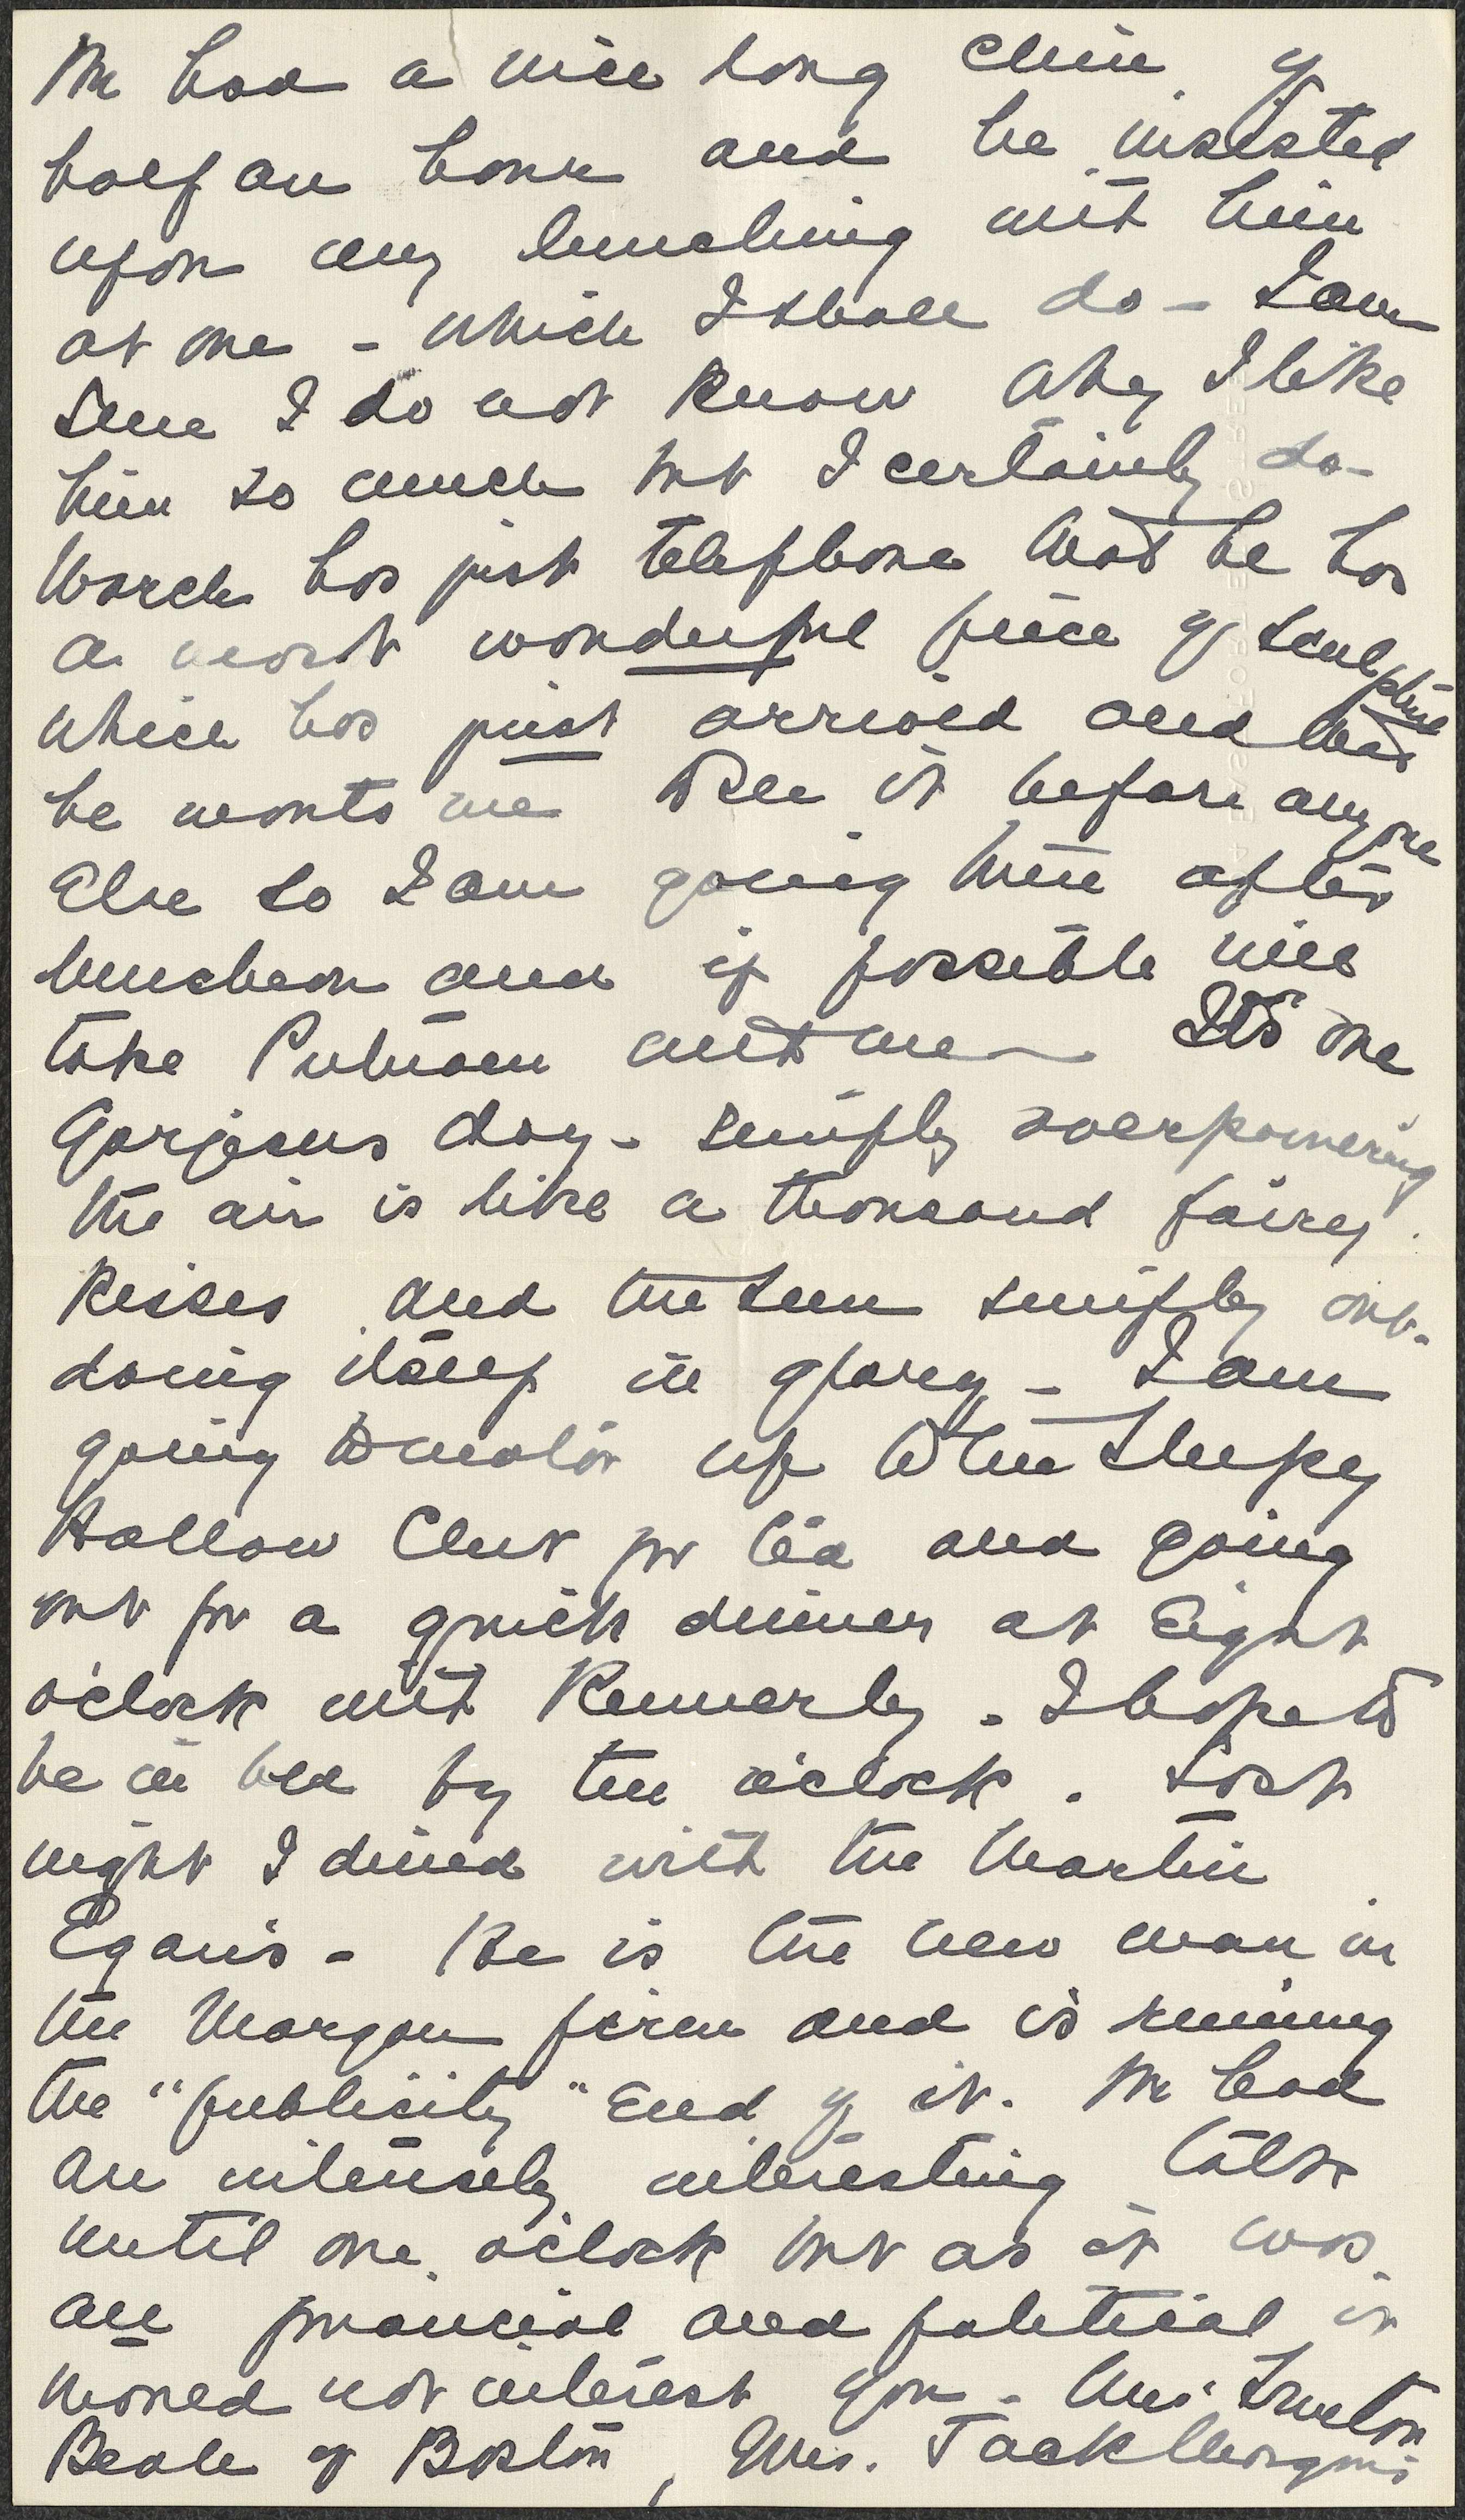We had a nice long chin of half an hour and he insisted upon my lunching with him at one – which I shall do – I am sure I do not know why I like him so much but I certainly do –
Worch has just telephone that he has a most wonderful piece of sculpture which has just arrived and that he wants me to see it before anyone else so I am going there after luncheon and if possible will take Putnam with me – It’s one gorgeous day – simply overpowering
the air is like a thousand fairy kisses and the sun simply outdoing itself in glory – I am going to motor up to the Sleepy Hollow Club for tea and going out for a quick dinner at eight o’clock with Kennerly – I hope to be in bed by ten o’clock. Last night I dined with the Martin Egan’s – He is the new man in the Morgan firm and is running the “publicity” end of it. We had an intensely interesting talk until one o’clock but as it was all financial and political it would not interest you – Mrs. Trueton Beale of Boston, Mrs. Jack Morgan’s